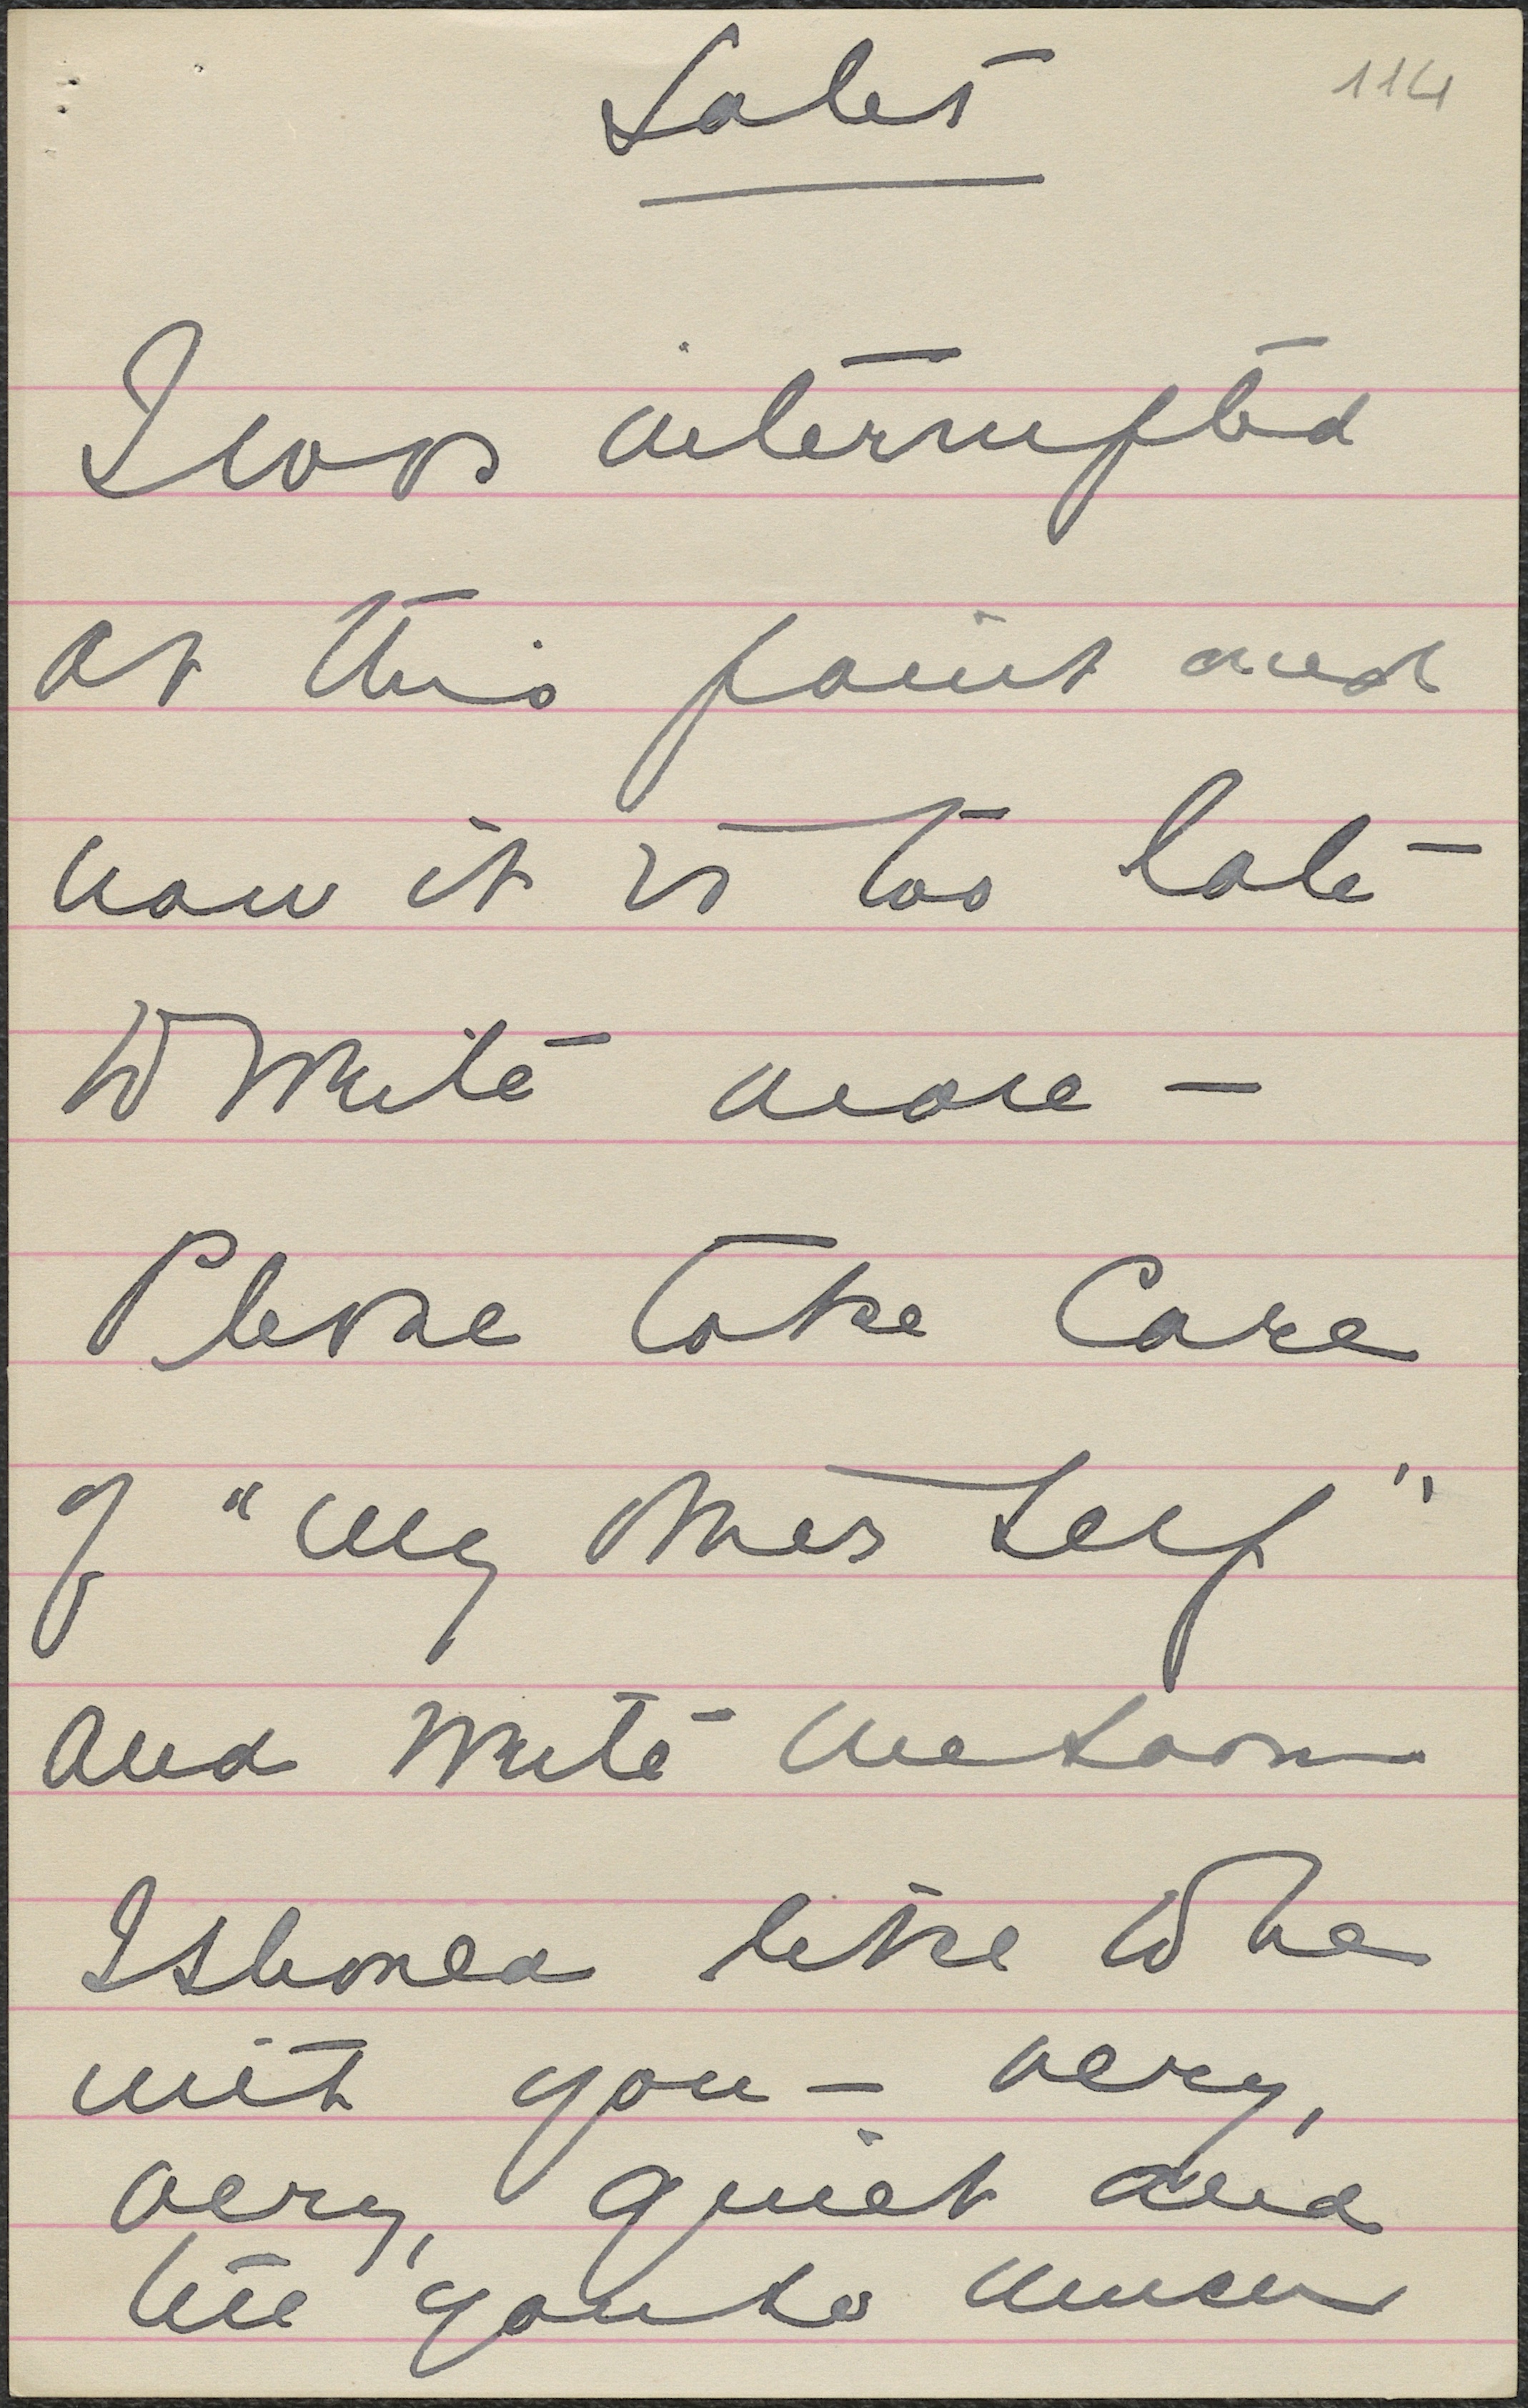Later
I was interrupted at this point and now it is too late to write more – Please take care of “my other self” and write me soon – I should like to be with you – very, very, quiet and tell you so much